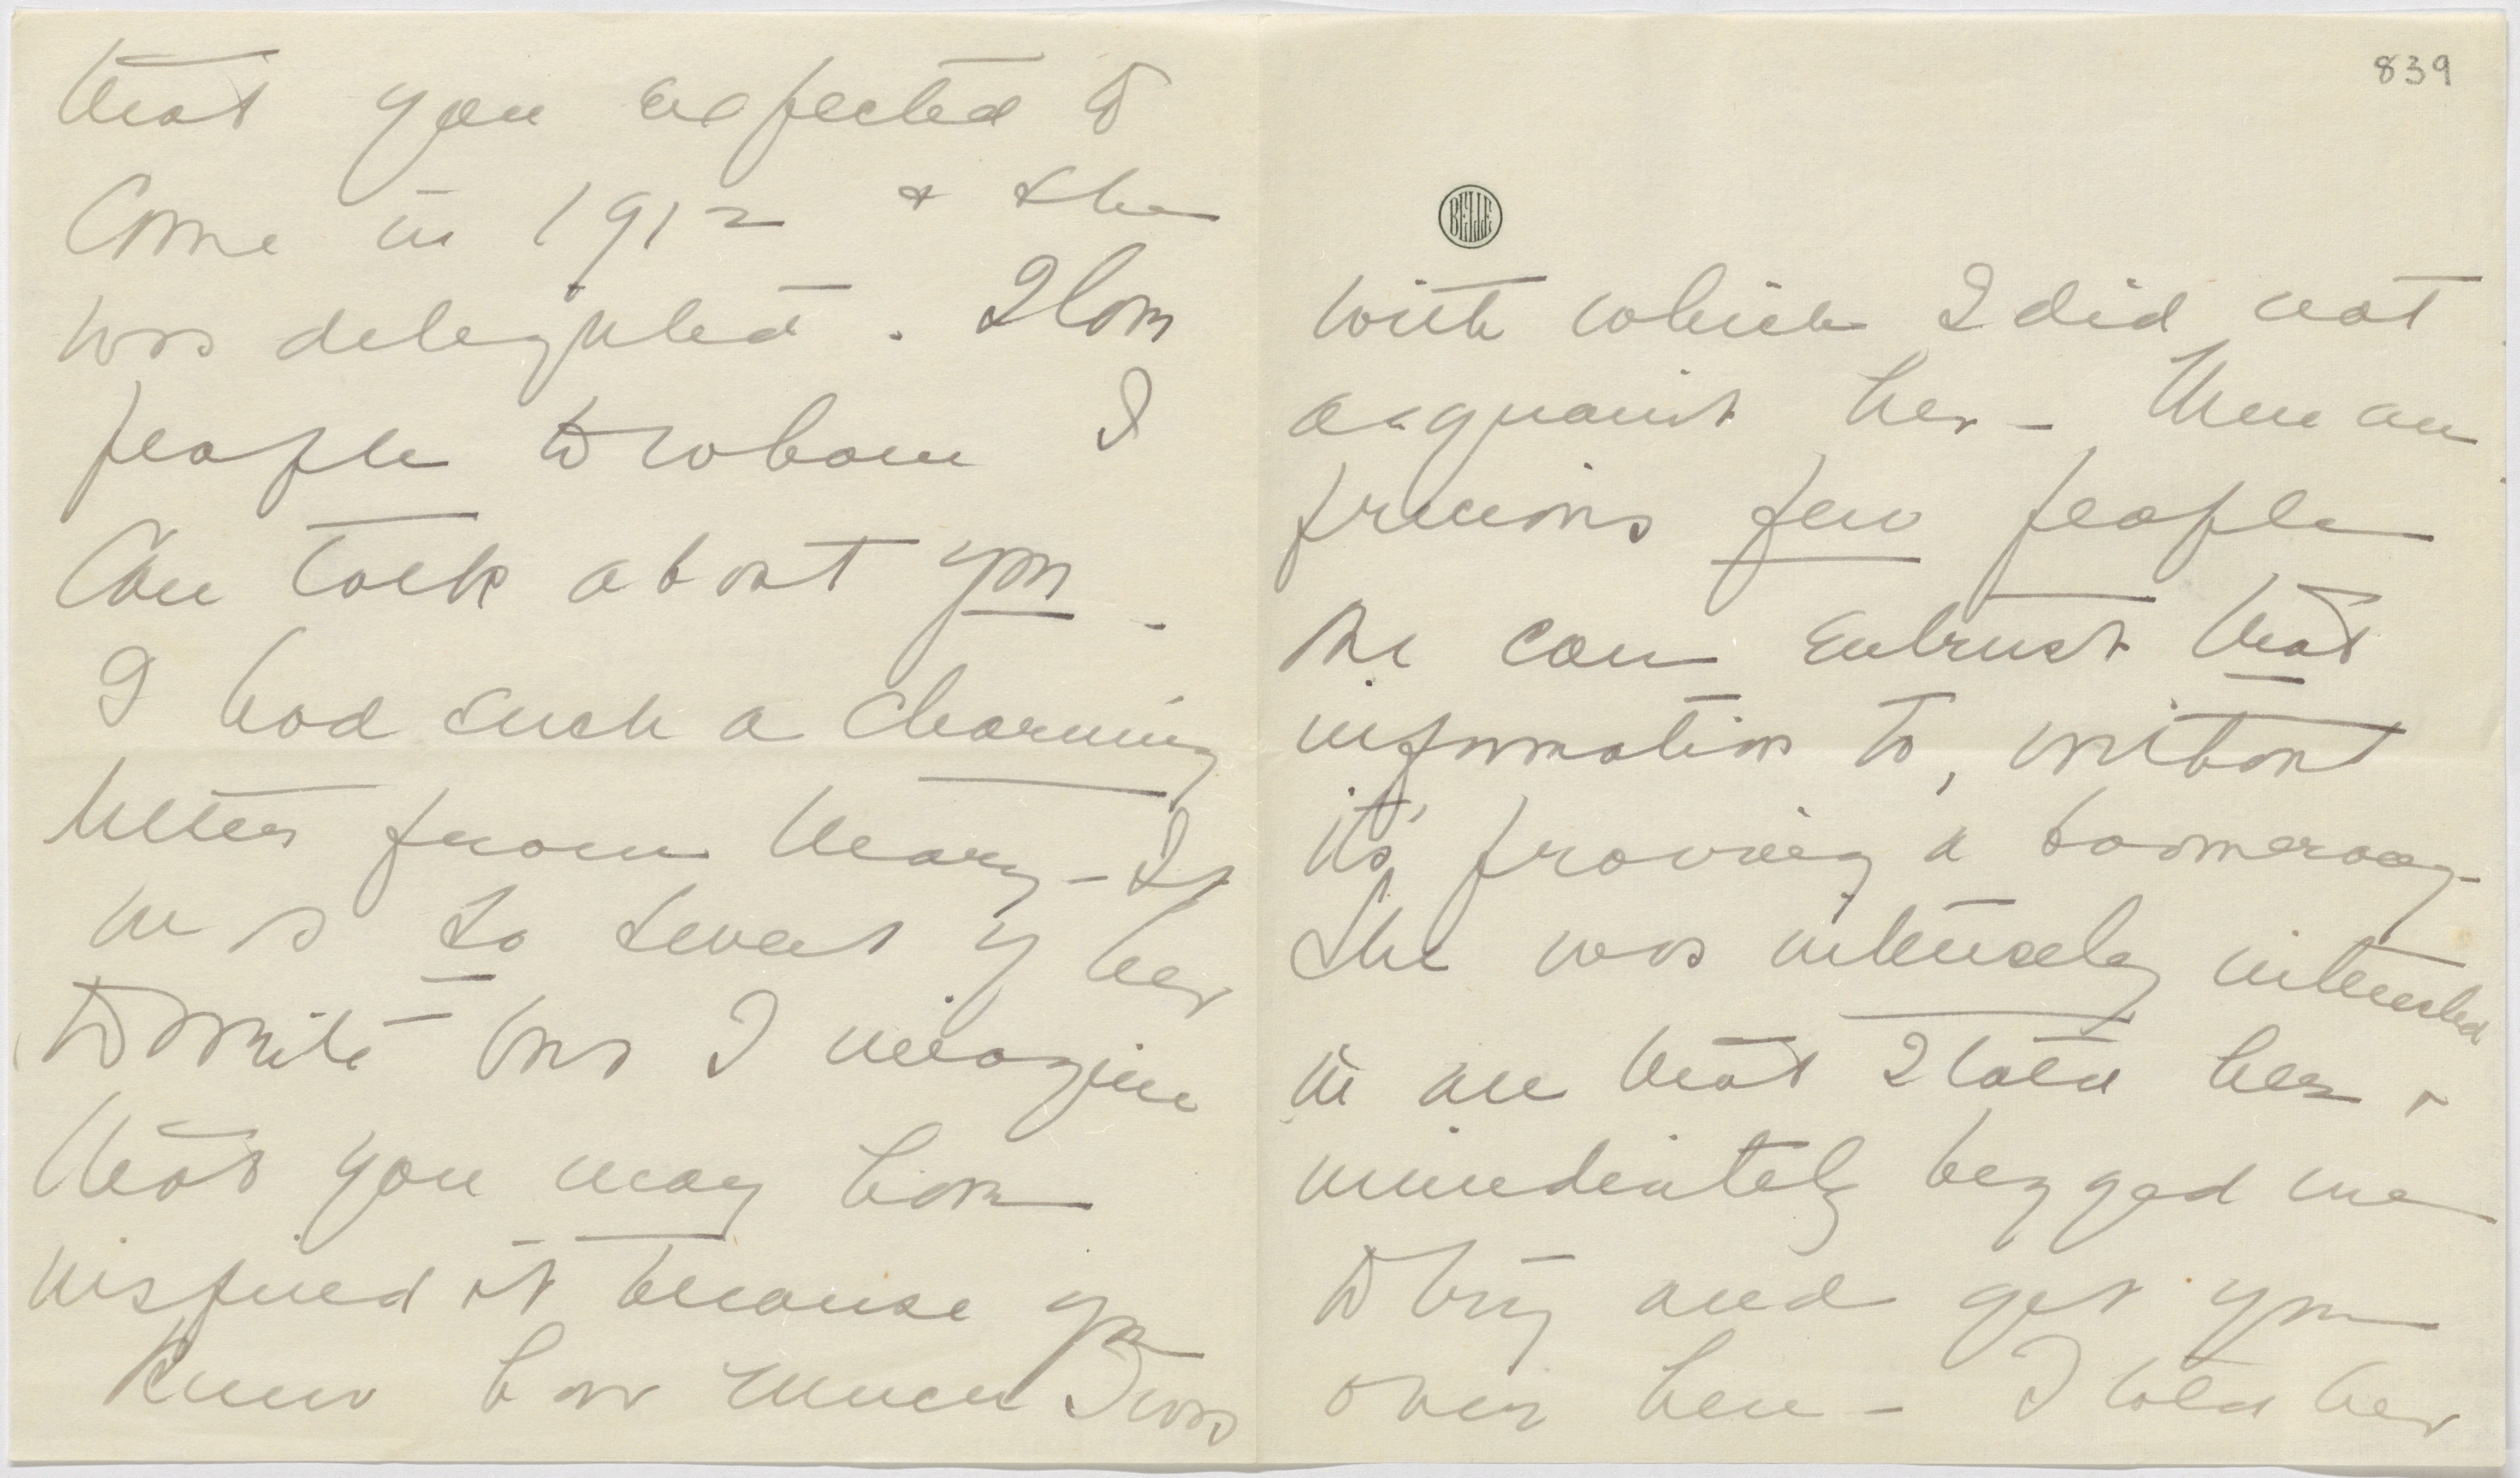with which I did not acquaint her – There are precious few people one can entrust that information to, without it’s proving a boomerang – She was intensely interested in all that I told her & immediately begged me to try and get you over here – I told her
that you expected to come in 1912 & she was delighted. I love people to whom I can talk about you –
I had such a charming letter from Mary – It was so sweet of her to write but I imagine that you may have inspired it because you knew how much I was